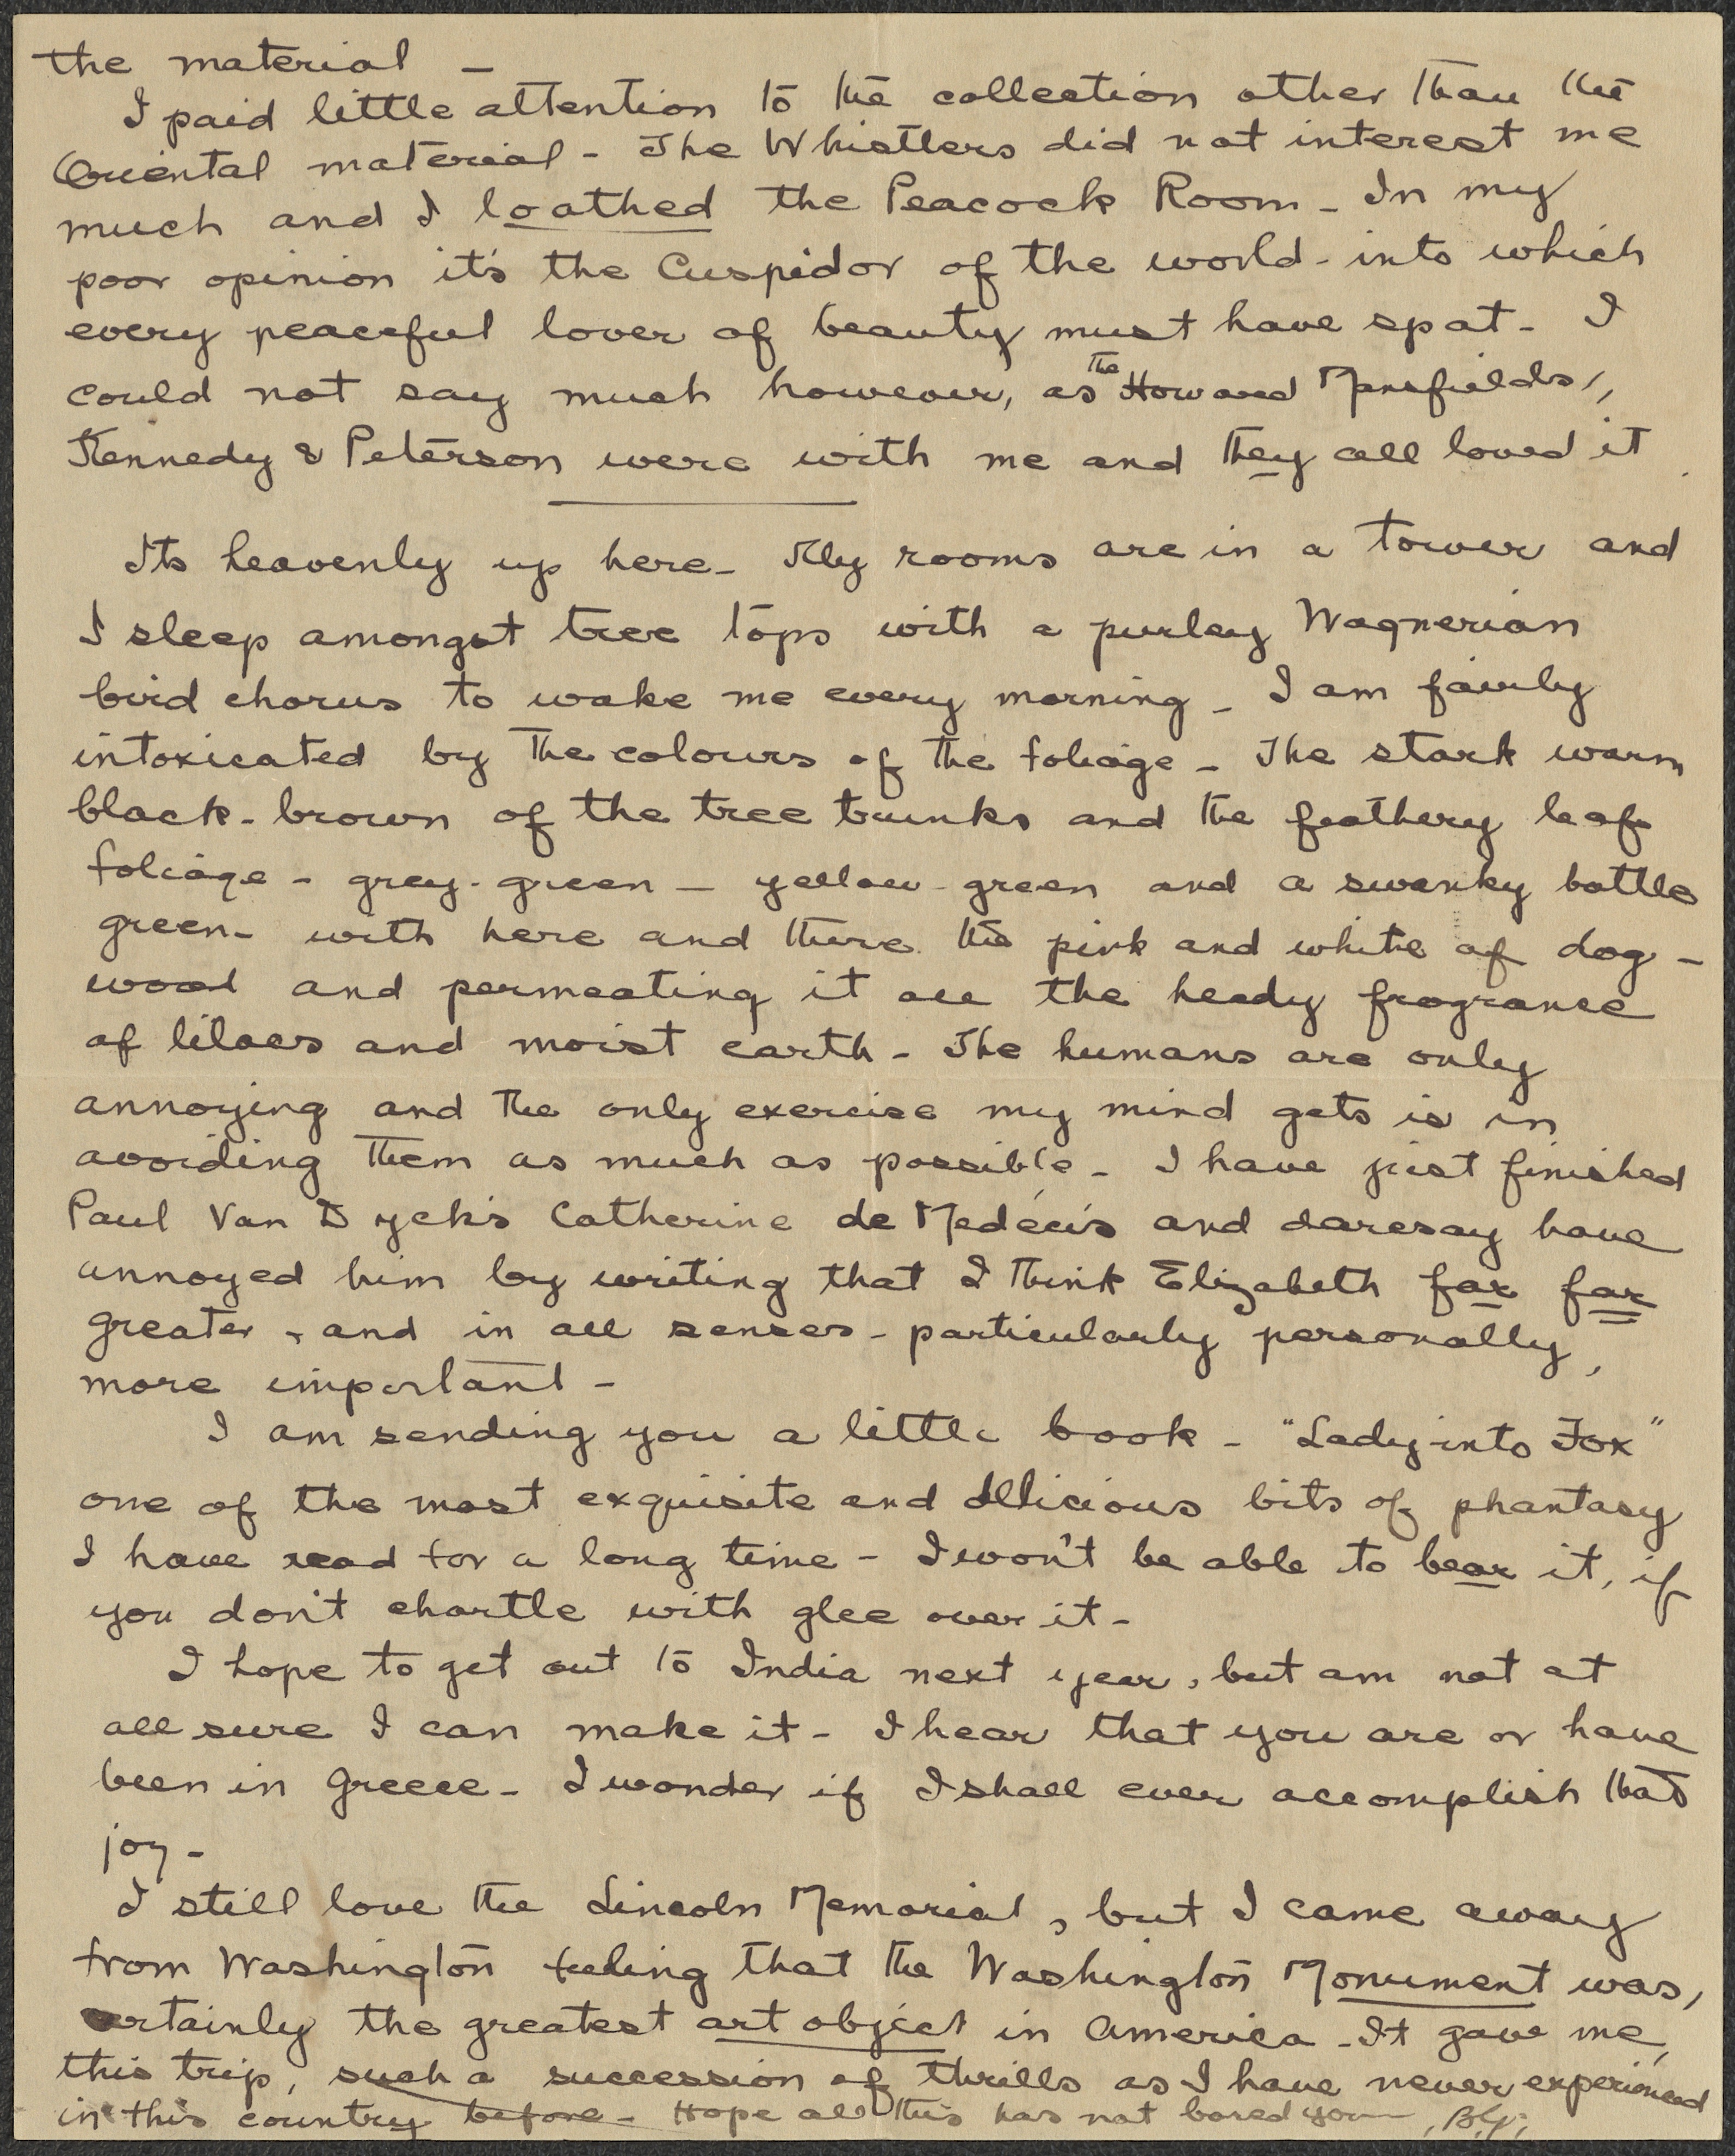the material –
I paid little attention to the collection other than the Oriental material – The Whistlers did not interest me much and I loathed the Peacock Room – In my poor opinion it’s the Cuspidor of the world – into which every peaceful lover of beauty must have spat – I could not say much however, as [^the^] Howard Mansfields, Kennedy & Peterson were with me and they all loved it.
It's heavenly up here – My rooms are in a tower and I sleep amongst tree tops with a purley [sic] Wagnerian bird chorus to wake me every morning – I am fairly intoxicated by the colours of the foliage – the stark warm black-brown of the tree trunks and the feathery leaf foliage – grey-green – yellow green and a swanky bottle green – with here and there the pink and white of dogwood and permeating it all the heady fragrance of lilacs and moist earth – The humans are only annoying and the only exercise my mind gets is in avoiding them as much as possible – I have just finished Paul Van Dyck’s Catherine de Médecis and daresay have annoyed him by writing that I think Elizabeth far [double underlined: far] greater, and in all senses – particularly personally, more important –
I am sending you a little book – “Lady into Fox” one of the most exquisite and delicious bits of phantasy I have read for a long time – I won’t be able to bear it, if you don’t chortle with glee over it –
I hope to get out to India next year, but am not at all sure I can make it – I hear that you are or have been in Greece – I wonder if I shall ever accomplish that joy –
I still love the Lincoln Memorial, but I came away from Washington feeling that the Washington Monument was certainly the greatest art object in America. It gave me this trip, such a succession of thrills as I have never experienced in this country before – Hope all this has not bored you –
B.G.